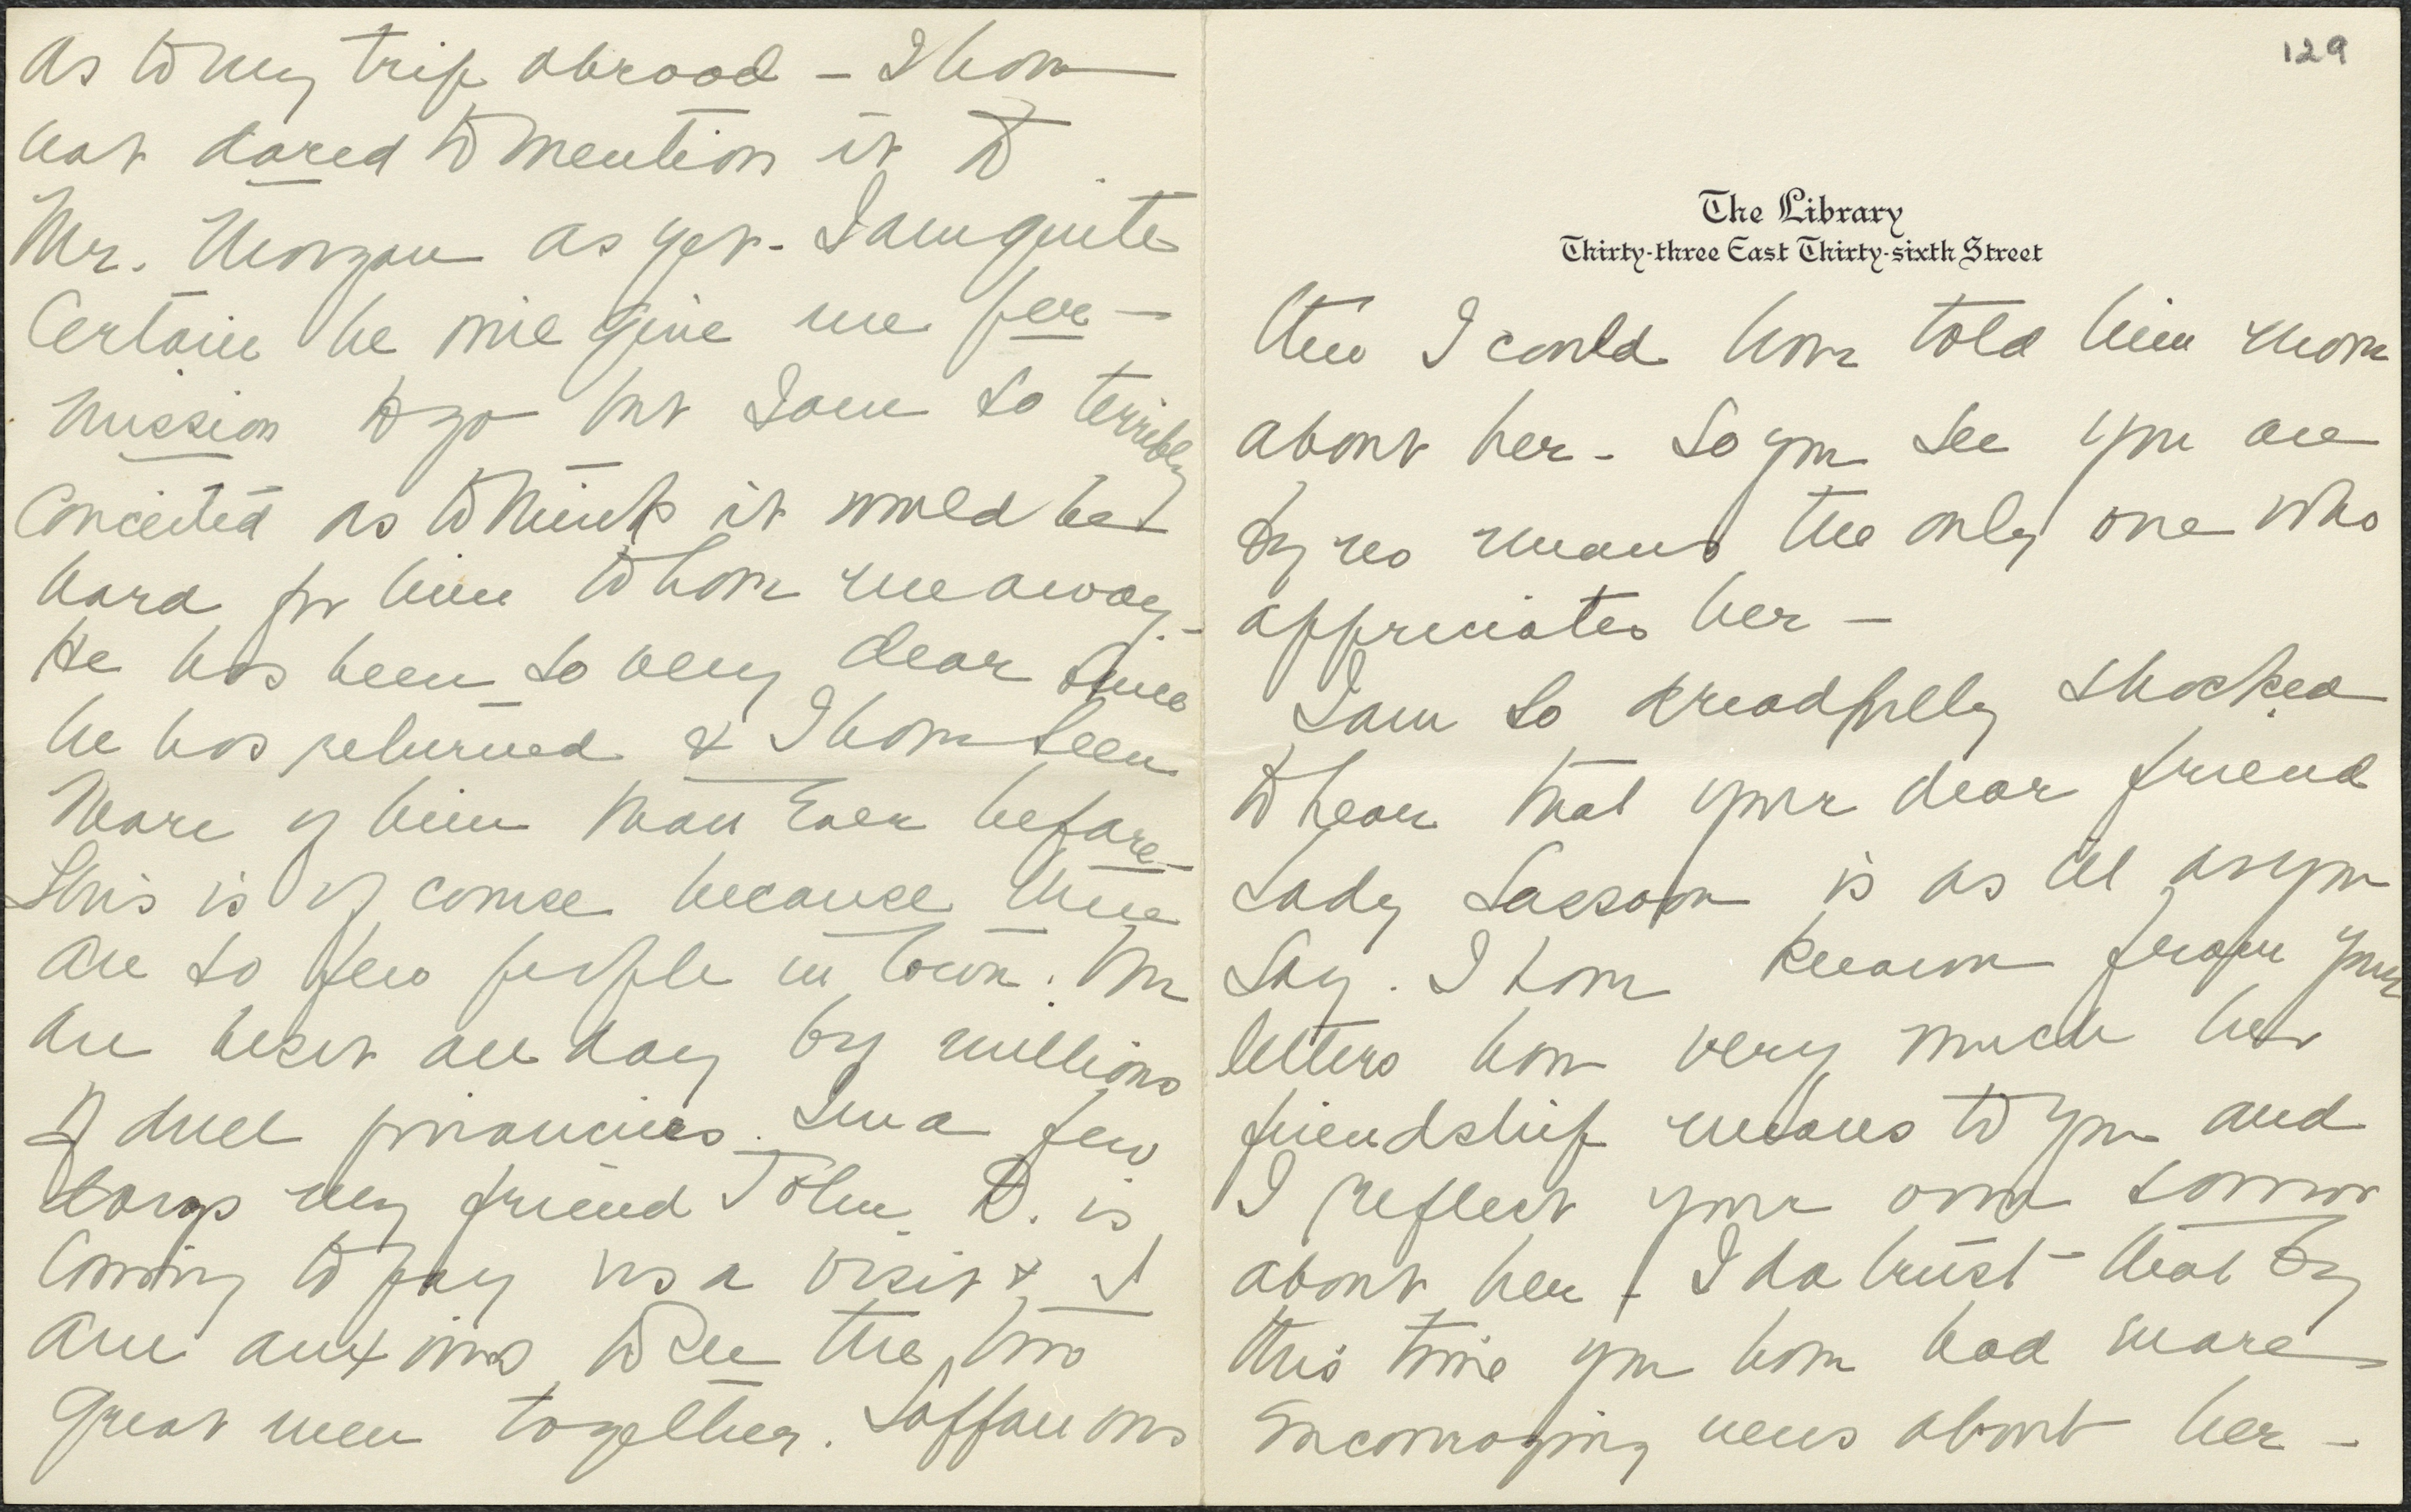then I could have told him more about her – So you see you are by no means the only one who appreciates her –
I am so dreadfully shocked to hear that your dear friend Lady Sassoon is as ill as you say. I have known from your letters how very much her friendship means to you and I reflect your own sorrow about her – I do trust that by this time you have had more encouraging news about her –
as to my trip abroad – I have not dared to mention it to Mr. Morgan as yet – I am quite certain he wil [sic] give me permission to go but I am so terribly conceited as to think it would be hard for him to have me away – He has been so very dear since he has returned & I have seen more of him than ever before – This is of course because there are so few people in town. We are beset all day by millions of dull financiers. In a few days my friend John D. is coming to pay us a visit & I am anxious to see the two great men together. Laffan was